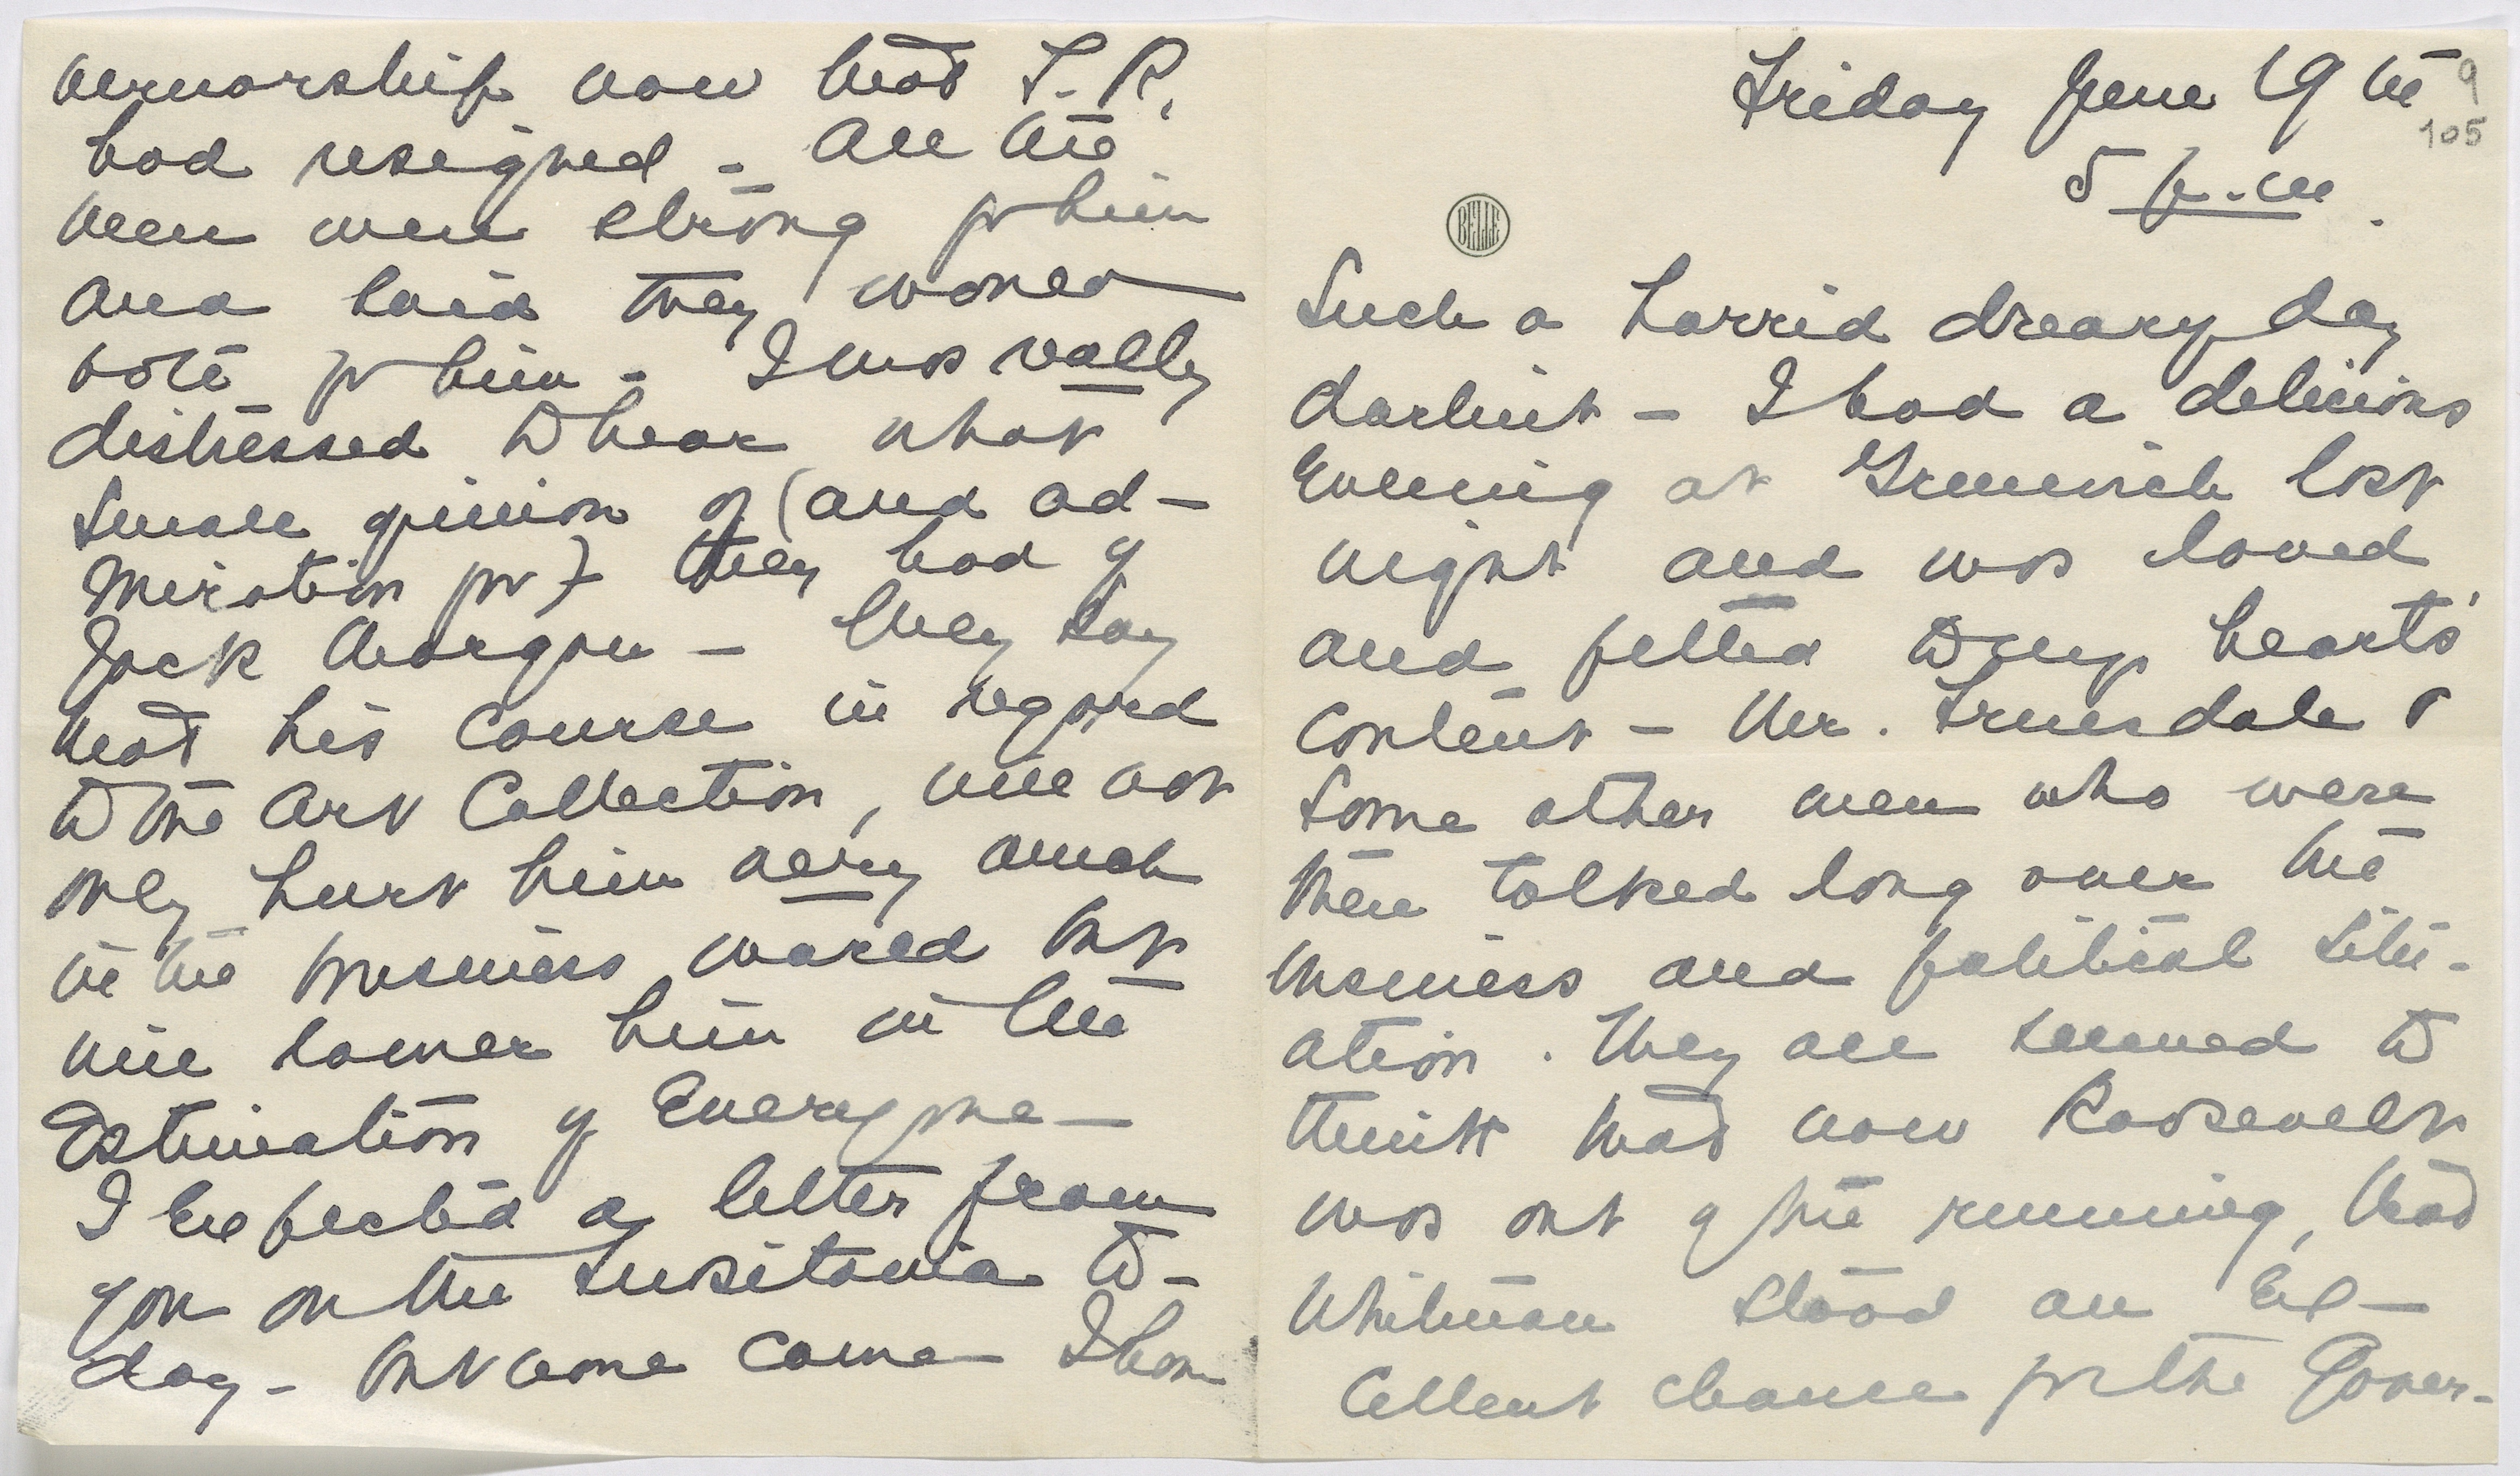Friday June 19th
5 p.m.
Such a horrid dreary day darlint – I had a delicious evening at Greenwich last night and was loved and feted to my heart’s content – Mr. Truesdale & some other men who were there talked long over the business and political situation. They all seemed to think that now Roosevelt was out of the running, that Whitman stood an excellent chance for the Governorship
Now that S.R. had resigned – All the men were strong for him and said they would vote for him – I was really distressed to hear what small opinion of (and admiration for) they had of Jack Morgan – they say that his course in regard to the art collection, will not only hurt him very much in the business world but will lower him in the estimation of everyone –
I expected a letter from you on the Lusitania today – but none came – I have